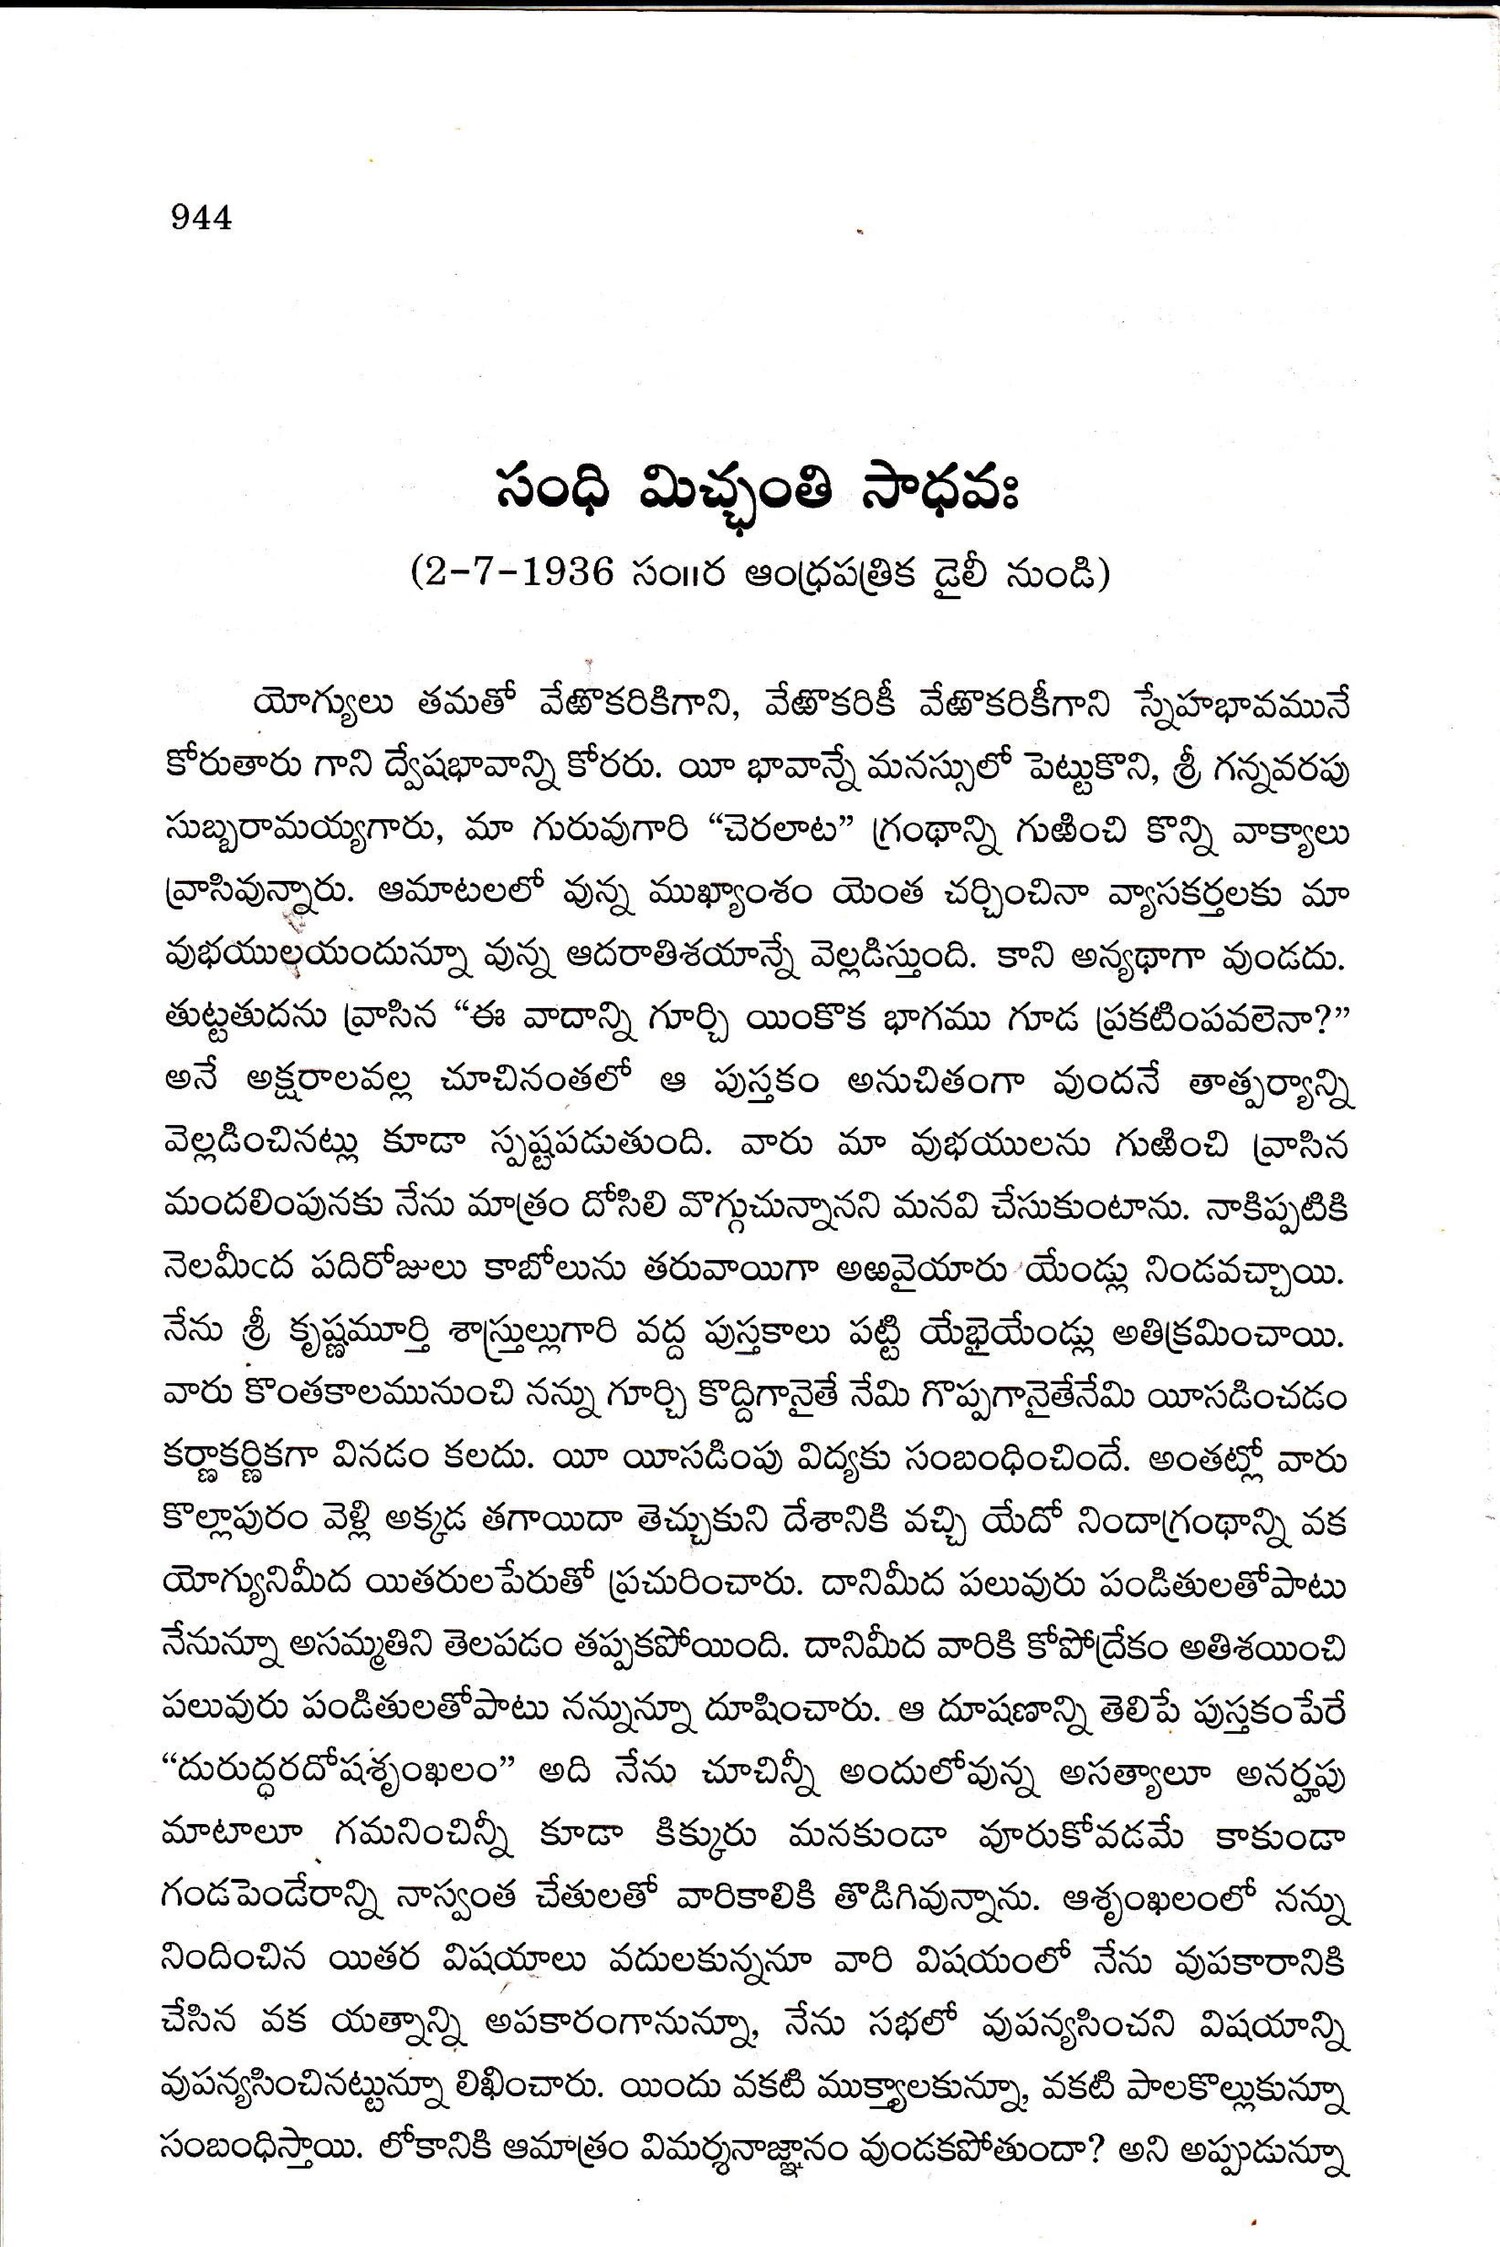సంధి మిచ్ఛంతి సాధవః
(2-7-1936 సం||ర ఆంధ్రపత్రిక డైలీ నుండి)

యోగ్యులు తమతో వేఱొకరికిగాని, వేఱొకరికీ వేఱొకరికీగాని స్నేహభావమునే కోరుతారు గాని ద్వేషభావాన్ని కోరరు. యీ భావాన్నే మనస్సులో పెట్టుకొని, శ్రీ గన్నవరపు సుబ్బరామయ్యగారు, మా గురువుగారి "చెరలాట" గ్రంథాన్ని గుఱించి కొన్ని వాక్యాలు వ్రాసివున్నారు. ఆమాటలలో వున్న ముఖ్యాంశం యెంత చర్చించినా వ్యాసకర్తలకు మా వుభయులయందున్నూ వున్న ఆదరాతిశయాన్నే వెల్లడిస్తుంది. కాని అన్యథాగా వుండదు. తుట్టతుదను వ్రాసిన "ఈ వాదాన్ని గూర్చి యింకొక భాగము గూడ ప్రకటింపవలెనా?” అనే అక్షరాలవల్ల చూచినంతలో ఆ పుస్తకం అనుచితంగా వుందనే తాత్పర్యాన్ని వెల్లడించినట్లు కూడా స్పష్టపడుతుంది. వారు మా వుభయులను గుఱించి వ్రాసిన మందలింపునకు నేను మాత్రం దోసిలి వొగ్గుచున్నానని మనవి చేసుకుంటాను. నాకిప్పటికి నెలమీఁద పదిరోజులు కాబోలును తరువాయిగా అఱవైయారు యేండ్లు నిండవచ్చాయి. నేను శ్రీ కృష్ణమూర్తి శాస్త్రుల్లుగారి వద్ద పుస్తకాలు పట్టి యేభైయేండ్లు అతిక్రమించాయి. వారు కొంతకాలమునుంచి నన్ను గూర్చి కొద్దిగానైతే నేమి గొప్పగానైతేనేమి యీసడించడం కర్ణాకర్ణికగా వినడం కలదు. యీ యీసడింపు విద్యకు సంబంధించిందే. అంతట్లో వారు కొల్లాపురం వెళ్లి అక్కడ తగాయిదా తెచ్చుకుని దేశానికి వచ్చి యేదో నిందాగ్రంథాన్ని వక యోగ్యునిమీద యితరులపేరుతో ప్రచురించారు. దానిమీద పలువురు పండితులతోపాటు నేనున్నూ అసమ్మతిని తెలపడం తప్పకపోయింది. దానిమీద వారికి కోపోద్రేకం అతిశయించి పలువురు పండితులతోపాటు నన్నున్నూ దూషించారు. ఆ దూషణాన్ని తెలిపే పుస్తకం పేరే “దురుద్ధరదోషశృంఖలం" అది నేను చూచిన్నీ అందులోవున్న అసత్యాలూ అనర్హపు మాటాలూ గమనించిన్నీ కూడా కిక్కురు మనకుండా వూరుకోవడమే కాకుండా గండపెండేరాన్ని నాస్వంత చేతులతో వారికాలికి తొడిగివున్నాను. ఆశృంఖలంలో నన్ను నిందించిన యితర విషయాలు వదులకున్ననూ వారి విషయంలో నేను వుపకారానికి చేసిన వక యత్నాన్ని అపకారంగానున్నూ నేను సభలో వుపన్యసించని విషయాన్ని వుపన్యసించినట్టున్నూలిఖించారు. యిందు వకటి ముక్త్యాలకున్నూ వకటి పాలకొల్లుకున్నూ సంబంధిస్తాయి. లోకానికి ఆమాత్రం విమర్శనాజ్ఞానం వుండకపోతుందా? అని అప్పుడున్నూ